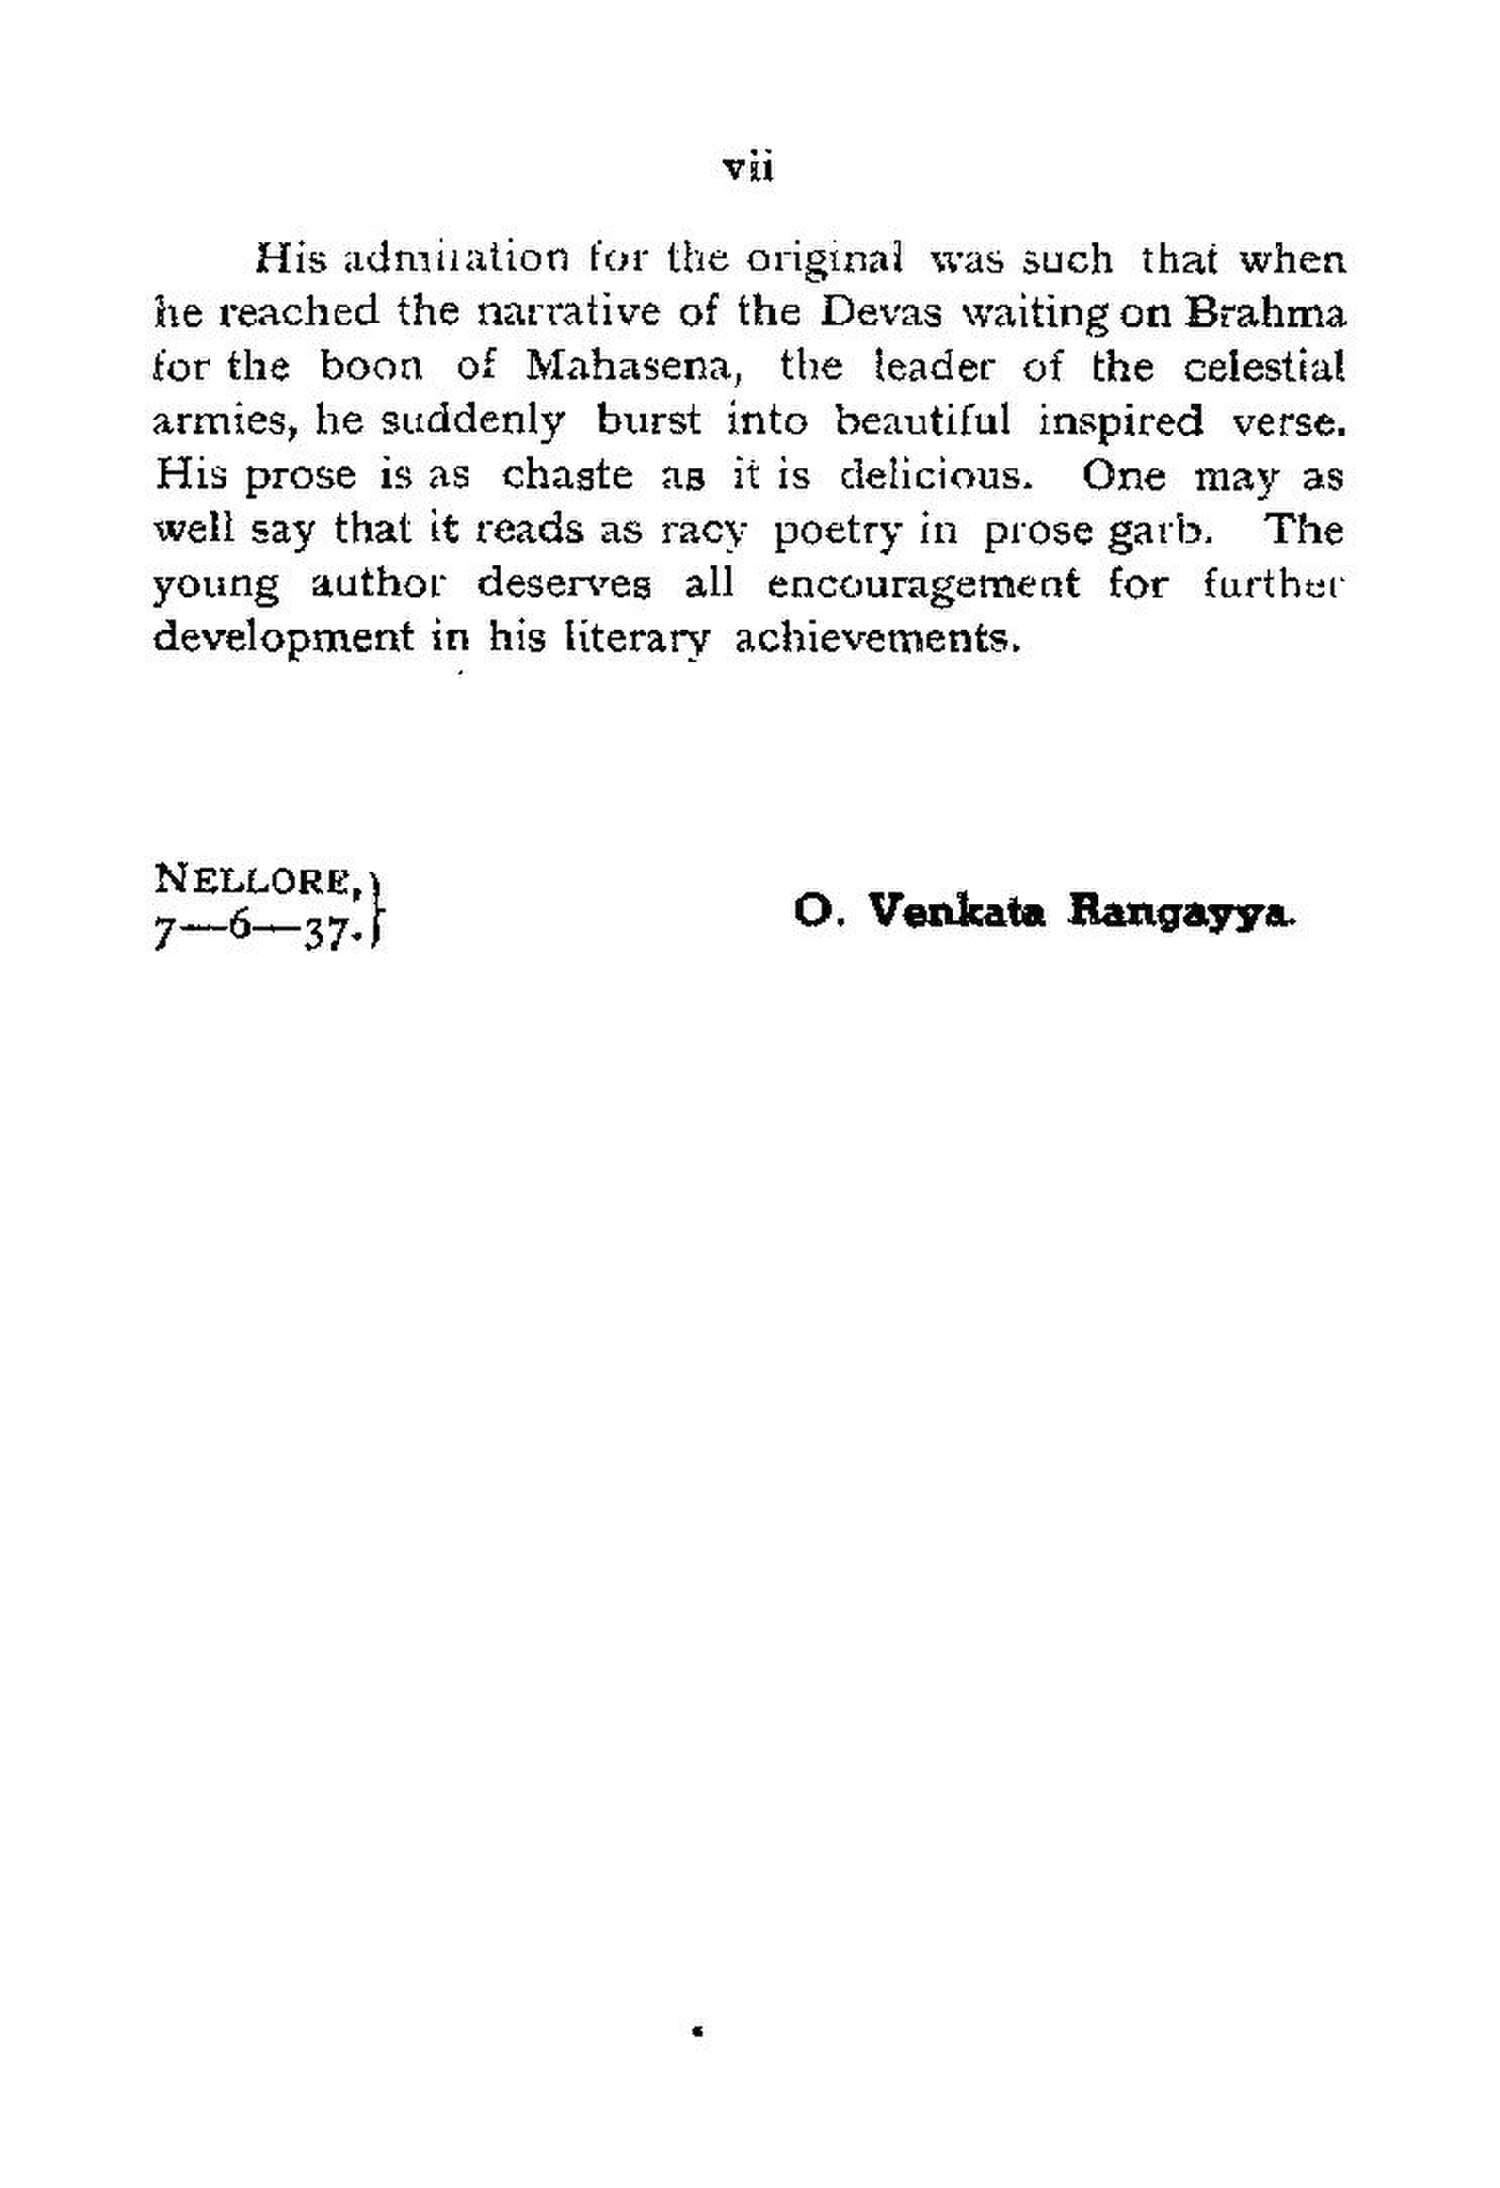His admiration for the original was such that when he reached the narrative of the Devas waiting on Brahma for the boon of Mahasena, the leader of the celestial armies, he suddenly burst into beautiful inspired verse. His prose is as chaste as it is delicious. One may as well say that it reads as racy poetry in prose garb. The young author deserves all encouragement for further
development in his literary achievements.